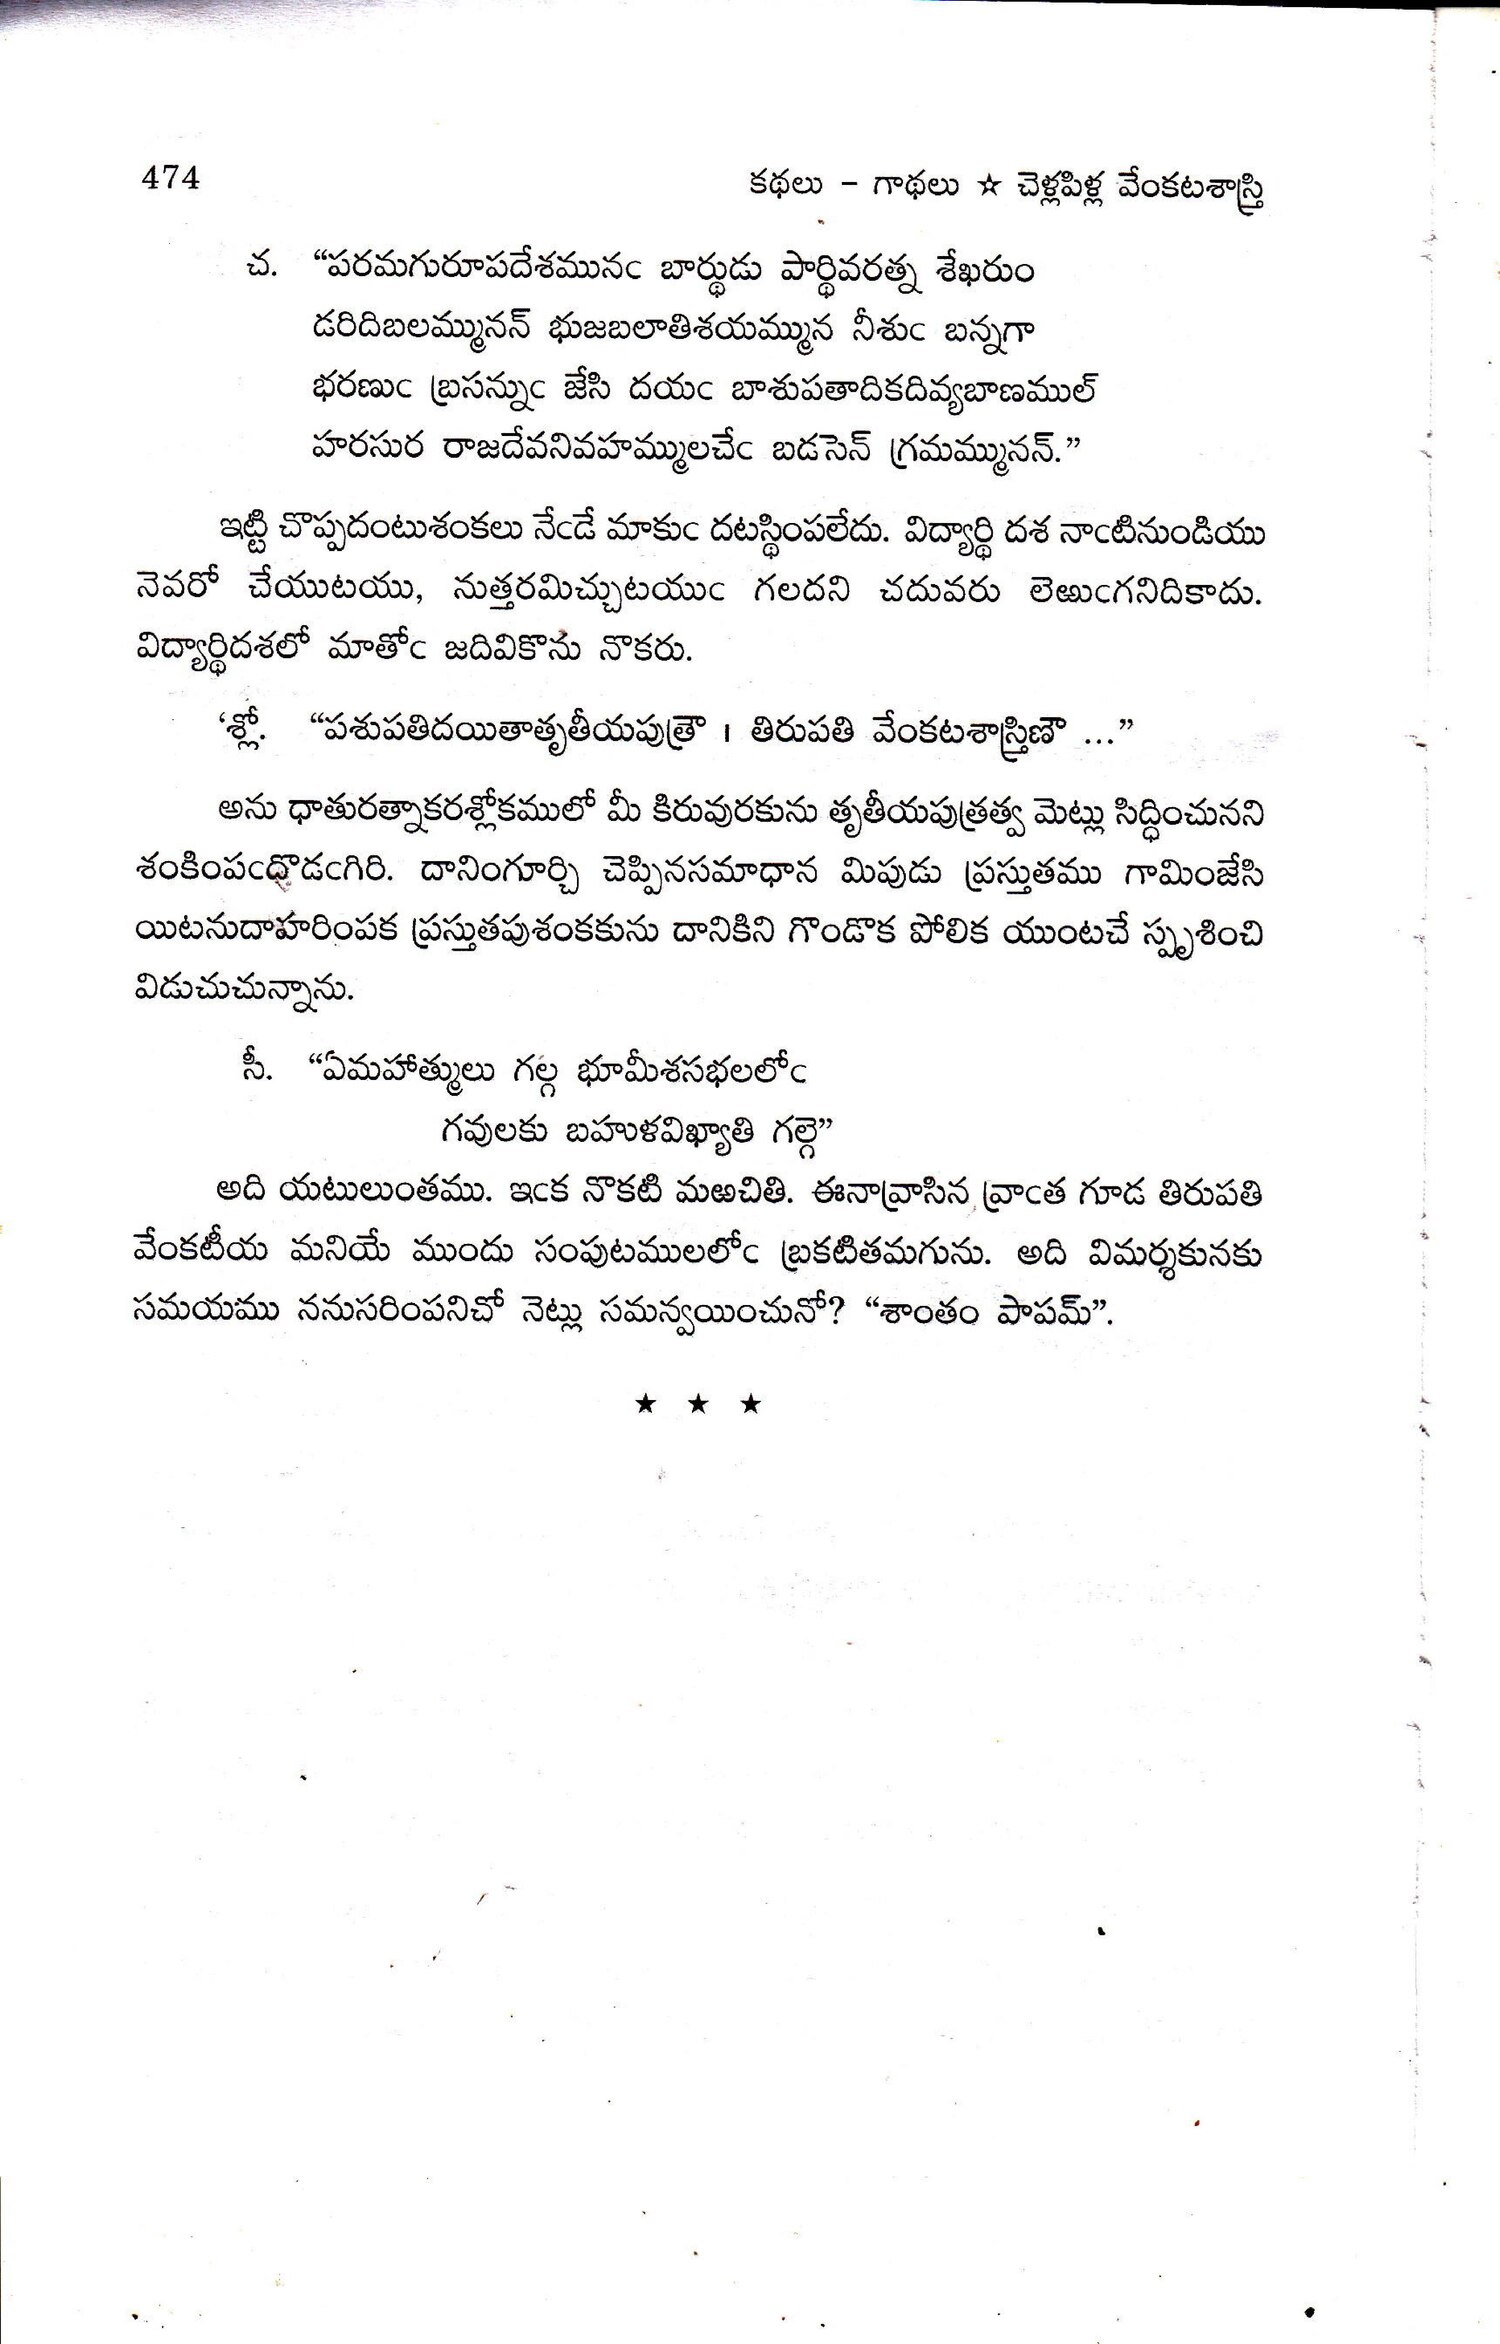చ. “పరమగురూపదేశమునఁ బార్థుడు పార్థివరత్న శేఖరుం 
 డరిదిబలమ్మునన్ భుజబలాతిశయమ్మున నీశుఁ బన్నగా 
 భరణుఁ బ్రసన్నుఁ జేసి దయఁ బాశుపతాదికదివ్యబాణముల్ 
 హరసుర రాజదేవనివహమ్ములచేఁ బడసెన్ గ్రమమ్మునన్."
ఇట్టి చొప్పదంటుశంకలు నేఁడే మాకుఁ దటస్థింపలేదు. విద్యార్థి దశ నాఁటినుండియు నెవరో చేయుటయు, నుత్తరమిచ్చుటయుఁ గలదని చదువరు లెఱుఁగనిదికాదు. విద్యార్థిదశలో మాతోఁ జదివికొను నొకరు.

శ్లో. "పశుపతిదయితాతృతీయపత్రౌ ! తిరుపతి వేంకటశాస్త్రిణౌ ..."
అను ధాతురత్నాకరశ్లోకములో మీ కిరువురకును తృతీయపుత్రత్వ మెట్లు సిద్ధించునని శంకింపఁదొడఁగిరి. దానింగూర్చి చెప్పినసమాధాన మిపుడు ప్రస్తుతము గామింజేసి యిటనుదాహరింపక ప్రస్తుతపుశంకకును దానికిని గొండొక పోలిక యుంటచే స్పృశించి విడుచుచున్నాను.

సీ. “ఏమహాత్ములు గల్గ భూమీశసభలలోఁ
 గవులకు బహుళవిఖ్యాతి గల్గె" 
అది యటులుంతము. ఇఁక నొకటి మఱచితి. ఈనావ్రాసిన వ్రాఁత గూడ తిరుపతి వేంకటీయ మనియే ముందు సంపుటములలోఁ బ్రకటితమగును. అది విమర్శకునకు సమయము ననుసరింపనిచో నెట్లు సమన్వయించునో? "శాంతం పాపమ్",